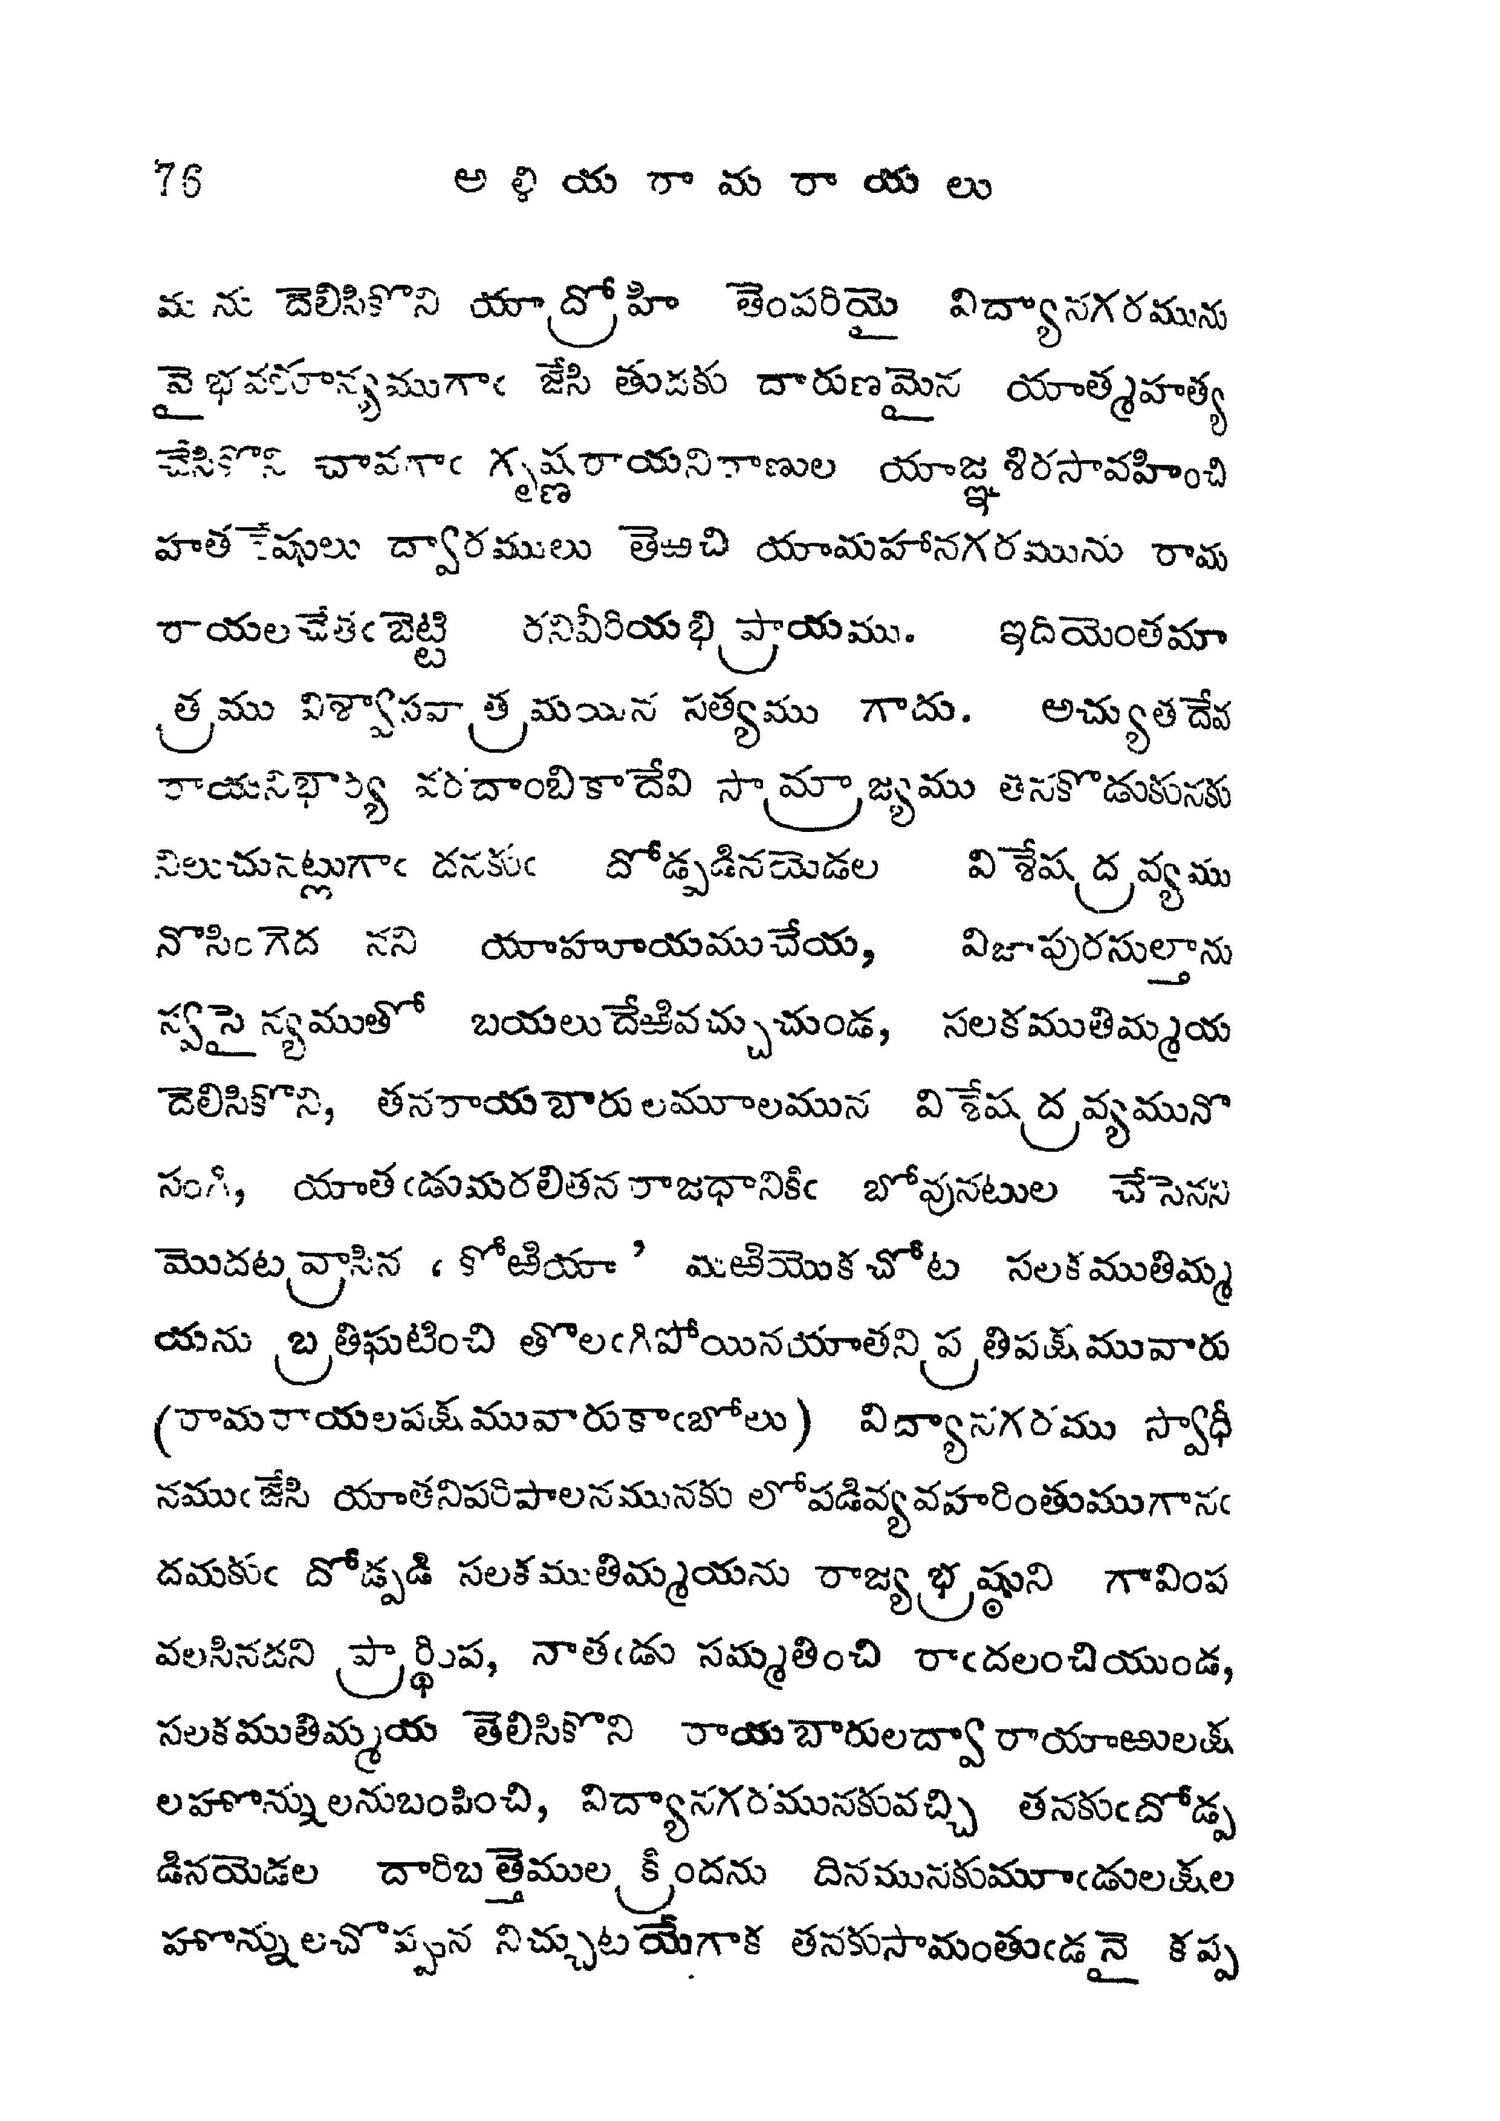మును దెలిసికొని యాద్రోహి తెంపరియై విద్యానగరమును వైభవశూన్యముగా జేసి తుదకు దారుణమైన యాత్మహత్య చేసికొని చావగా గృష్ణరాయనిరాణుల యాజ్ఞశిరసావహించి హతశేషులు ద్వారములు తెఱచి యామహానగరమును రామరాయలచేతబెట్టి రనివీరియభిప్రాయము. ఇదియెంతమాత్రము విశ్వాసపాత్రమయిన సత్యము గాదు. అచ్యుతదేవరాయనిభార్య వరదాంబికాదేవి సామ్రాజ్యము తనకొడుకునకు నిలుచునట్లుగా దనకు దోడ్పడినయెడల విశేషద్రవ్యము నొసింగెద నని యాహూయముచేయ, విజాపురసుల్తాను స్వసైన్యముతో బయలుదేఱివచ్చుచుండ, సలకముతిమ్మయ దెలిసికొని, తనరాయబారులమూలమున విశేషద్రవ్యమునొసంగి, యాతడుమరలితనరాజధానికి బోవునటుల చేసెనని మొదటవ్రాసిన 'కోఱియా' మఱియొకచోట సలకముతిమ్మయను బ్రతిఘటించి తొలగిపోయినయాతని ప్రతిపక్షమువారు (రామరాయలపక్షమువారు కాబోలు) విద్యానగరము స్వాధీనముజేసి యాతనిపరిపాలనమునకు లోపడివ్యవహరింతుముగాన దమకు దోడ్పడి సలకముతిమ్మయను రాజ్యభ్రష్ఠుని గావింప వలసినదని ప్రార్థింప, నాతడు సమ్మతించి రాదలంచియుండ, సలకముతిమ్మయ తెలిసికొని రాయబారులద్వారా యాఱులక్షలహొన్నులనుబంపించి, విద్యానగరమునకువచ్చి తనకుదోడ్పడినయెడల దారిబత్తెములక్రిందను దినమునకు మూడులక్షల హొన్నులచొప్పున నిచ్చుటయేగాక తనకుసామంతుడనై కప్ప